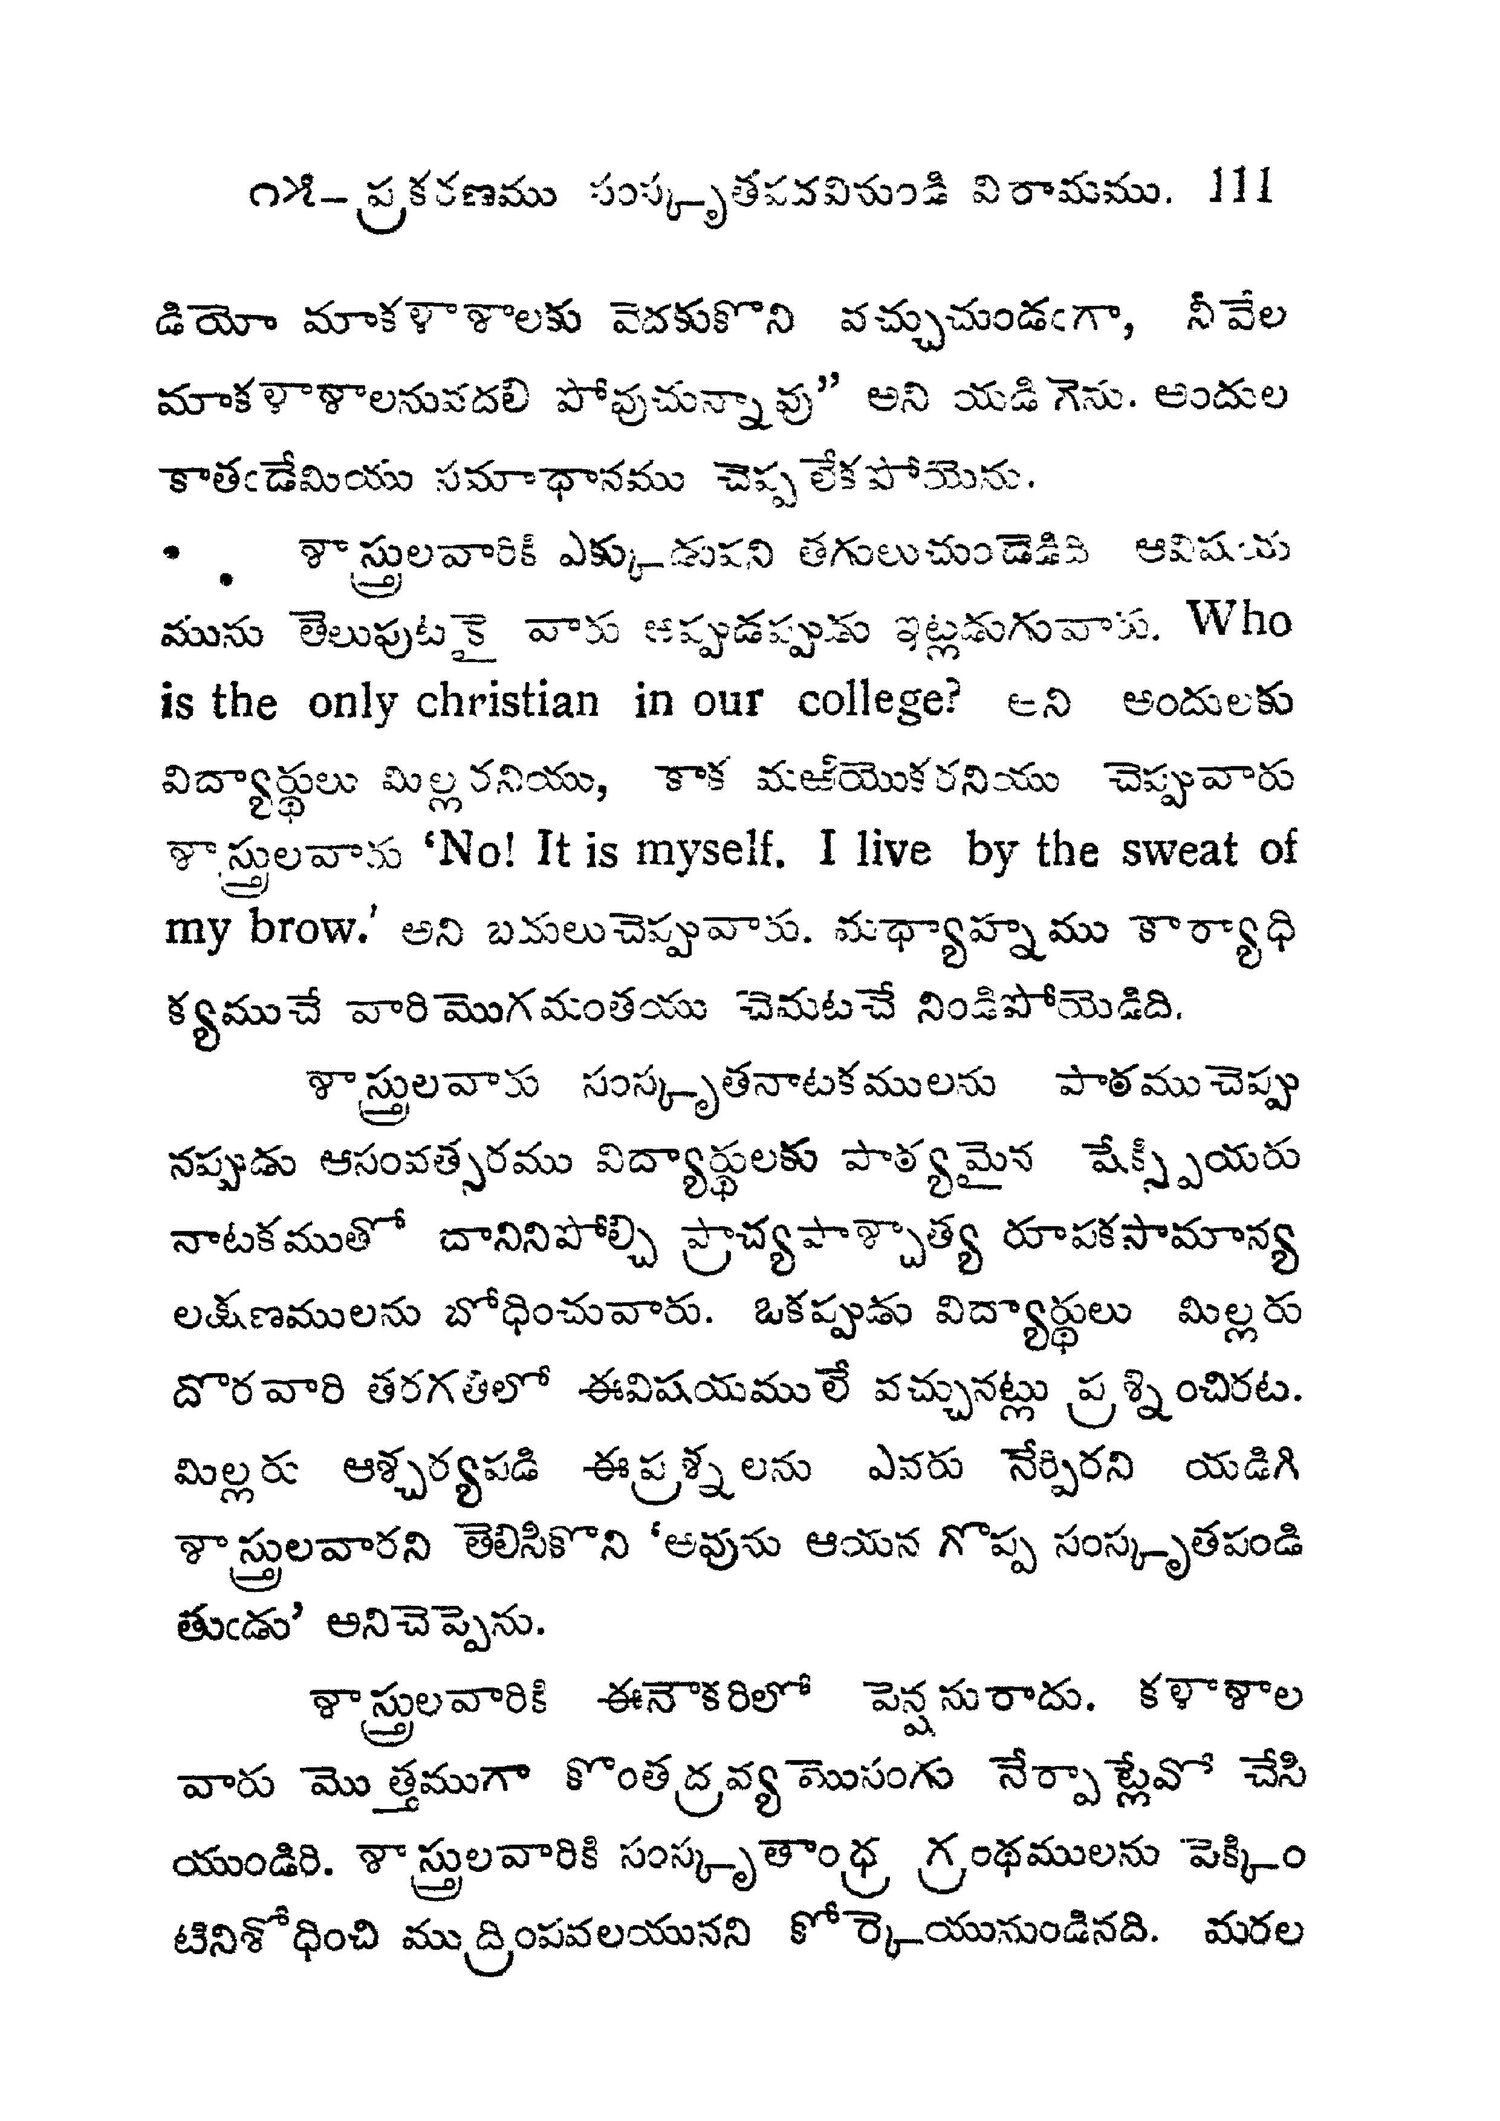డియో మాకళాశాలకు వెదకుకొని వచ్చుచుండగా, నీవేల మాకళాశాలనువదలి పోవుచున్నావు" అని యడిగెను. అందుల కాతడేమియు సమాధానము చెప్పలేకపోయెను.

శాస్త్రులవారికి ఎక్కుడుపని తగులుచుండెడిది. ఆవిషయమును తెలుపుటకై వారు అప్పుడప్పుడు ఇట్లడుగువారు. Who is the only christian in our college? అని అందులకు విద్యార్థులు మిల్లరనియు, కాక మఱియొకరనియు చెప్పువారు శాస్త్రులవారు 'No! It is myself. I live by the sweat of my brow.' అని బదులుచెప్పువారు. మథ్యాహ్నము కార్యాధిక్యముచే వారిమొగమంతయు చెమటచే నిండిపోయెడిది.

శాస్త్రులవారు సంస్కృతనాటకములను పాఠముచెప్పునప్పుడు ఆసంవత్సరము విద్యార్థులకు పాఠ్యమైన షేక్స్పియరు నాటకముతో దానినిపోల్చి ప్రాచ్యపాశ్చాత్య రూపకసామాన్య లక్షణములను బోధించువారు. ఒకప్పుడు విద్యార్థులు మిల్లరు దొరవారి తరగతిలో ఈవిషయములే వచ్చునట్లు ప్రశ్నించిరట. మిల్లరు ఆశ్చర్యపడి ఈప్రశ్నలను ఎవరు నేర్పిరని యడిగి శాస్త్రులవారని తెలిసికొని 'అవును ఆయన గొప్ప సంస్కృతపండితుడు' అనిచెప్పెను.

శాస్త్రులవారికి ఈనౌకరిలో పెన్షనురాదు. కళాశాలవారు మొత్తముగా కొంతద్రవ్యమొసంగు నేర్పాట్లేవో చేసియుండిరి. శాస్త్రులవారికి సంస్కృతాంధ్ర గ్రంథములను పెక్కింటినిశోధించి ముద్రింపవలయునని కోర్కెయునుండినది. మరల